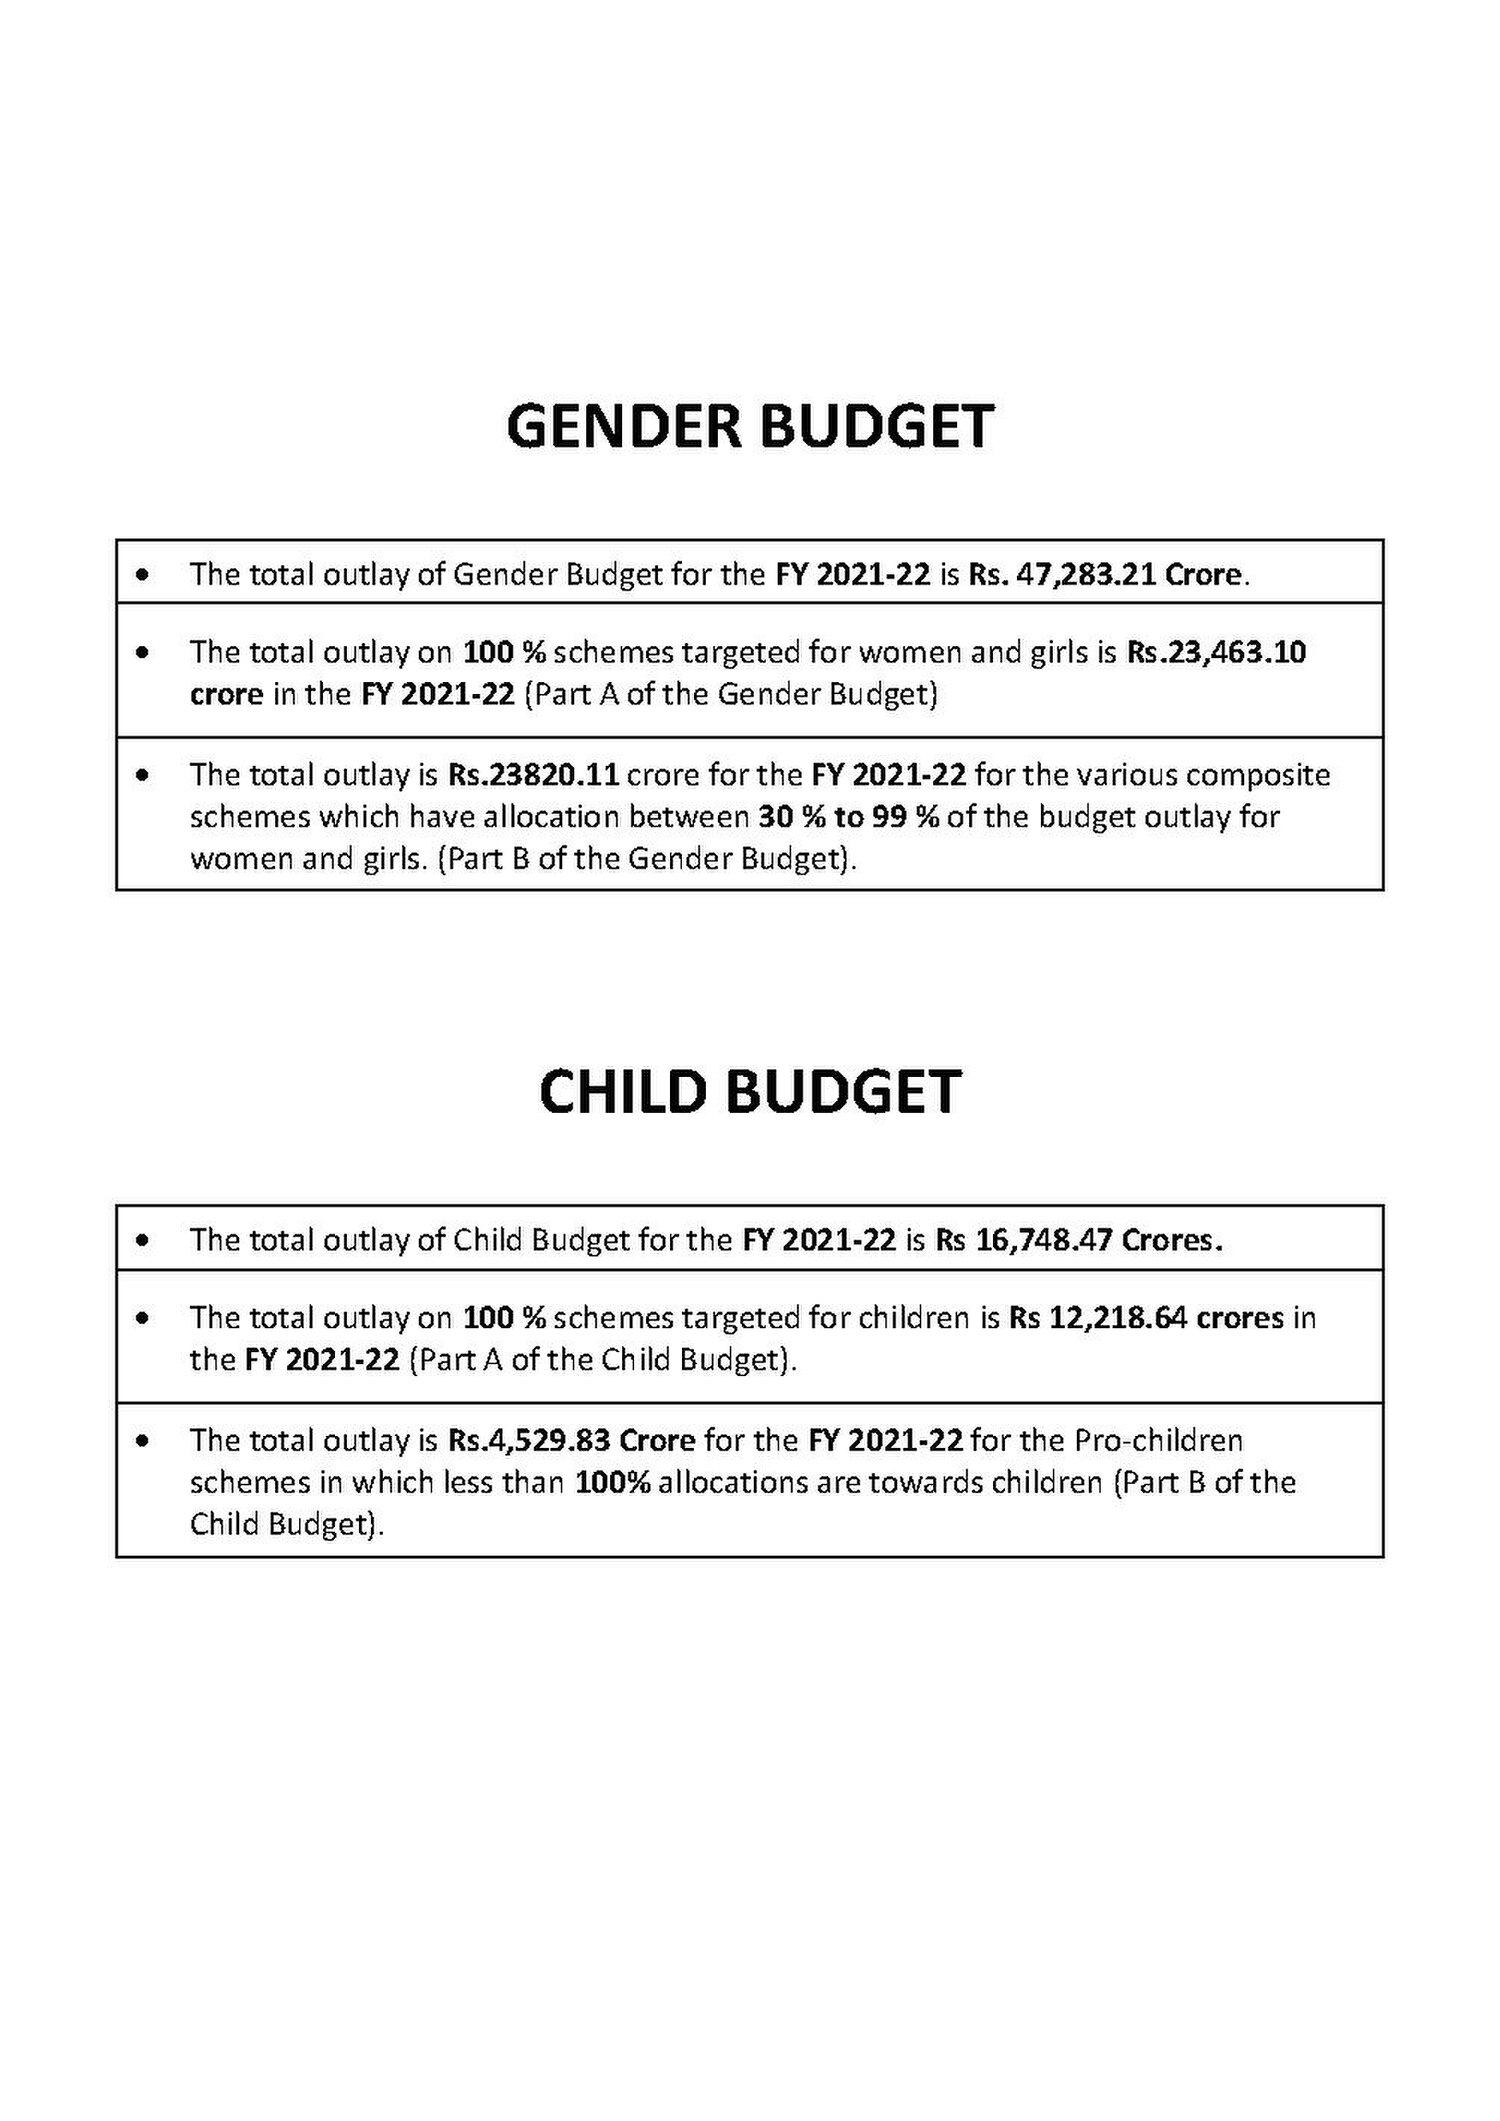GENDER BUDGET

 The total outlay of Gender Budget for the FY 2021-22 is Rs. 47,283.21 Crore.
 The total outlay on 100 % schemes targeted for women and girls is Rs.23,463.10 crore in the FY 2021-22 (Part A of the Gender Budget)
 The total outlay is Rs.23820.11 crore for the FY 2021-22 for the various composite schemes which have allocation between 30 % to 99 % of the budget outlay for women and girls. (Part B of the Gender Budget).

CHILD BUDGET

 The total outlay of Child Budget for the FY 2021-22 is Rs 16,748.47 Crores.
 The total outlay on 100 % schemes targeted for children is Rs 12,218.64 crores in the FY 2021-22 (Part A of the Child Budget).
 The total outlay is Rs.4,529.83 Crore for the FY 2021-22 for the Pro-children schemes in which less than 100% allocations are towards children (Part B of the Child Budget).